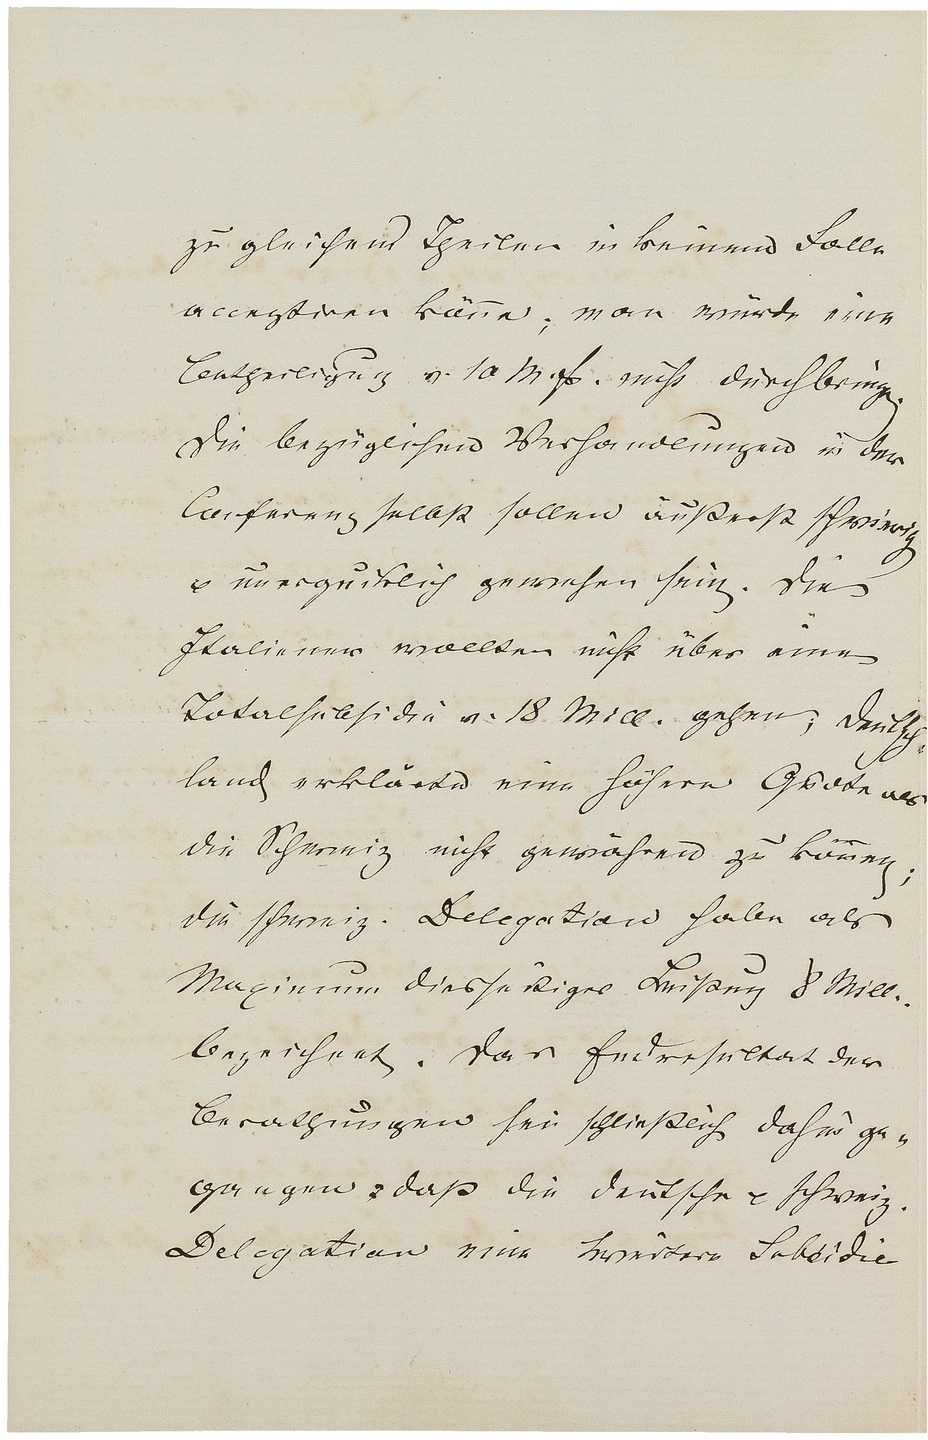zu gleichen Theilen in keinem Falle
acceptiren könne; man würde eine
Betheiligung v. 10. M. F. nicht durchbringen.
Die bezüglichen Verhandlungen in der
Conferenz selbst sollen äußerst schwierig
& unerquiklich gewesen sein. Die
Italiener wollten nicht über eine
Totalsubsidie v. 18 Mill. gehen; Deutsch-
land erklärte eine höhere Quote als
die Schweiz nicht gewähren zu können;
die schweiz. Delegation habe als
Maximum diesseitiger Leistung 8 Mill.
bezeichnet. Das Endresultat der
Berathungen sei schließlich dahin ge-
gangen: daß die deutsche & schweiz.
Delegation eine weitere Subsidie